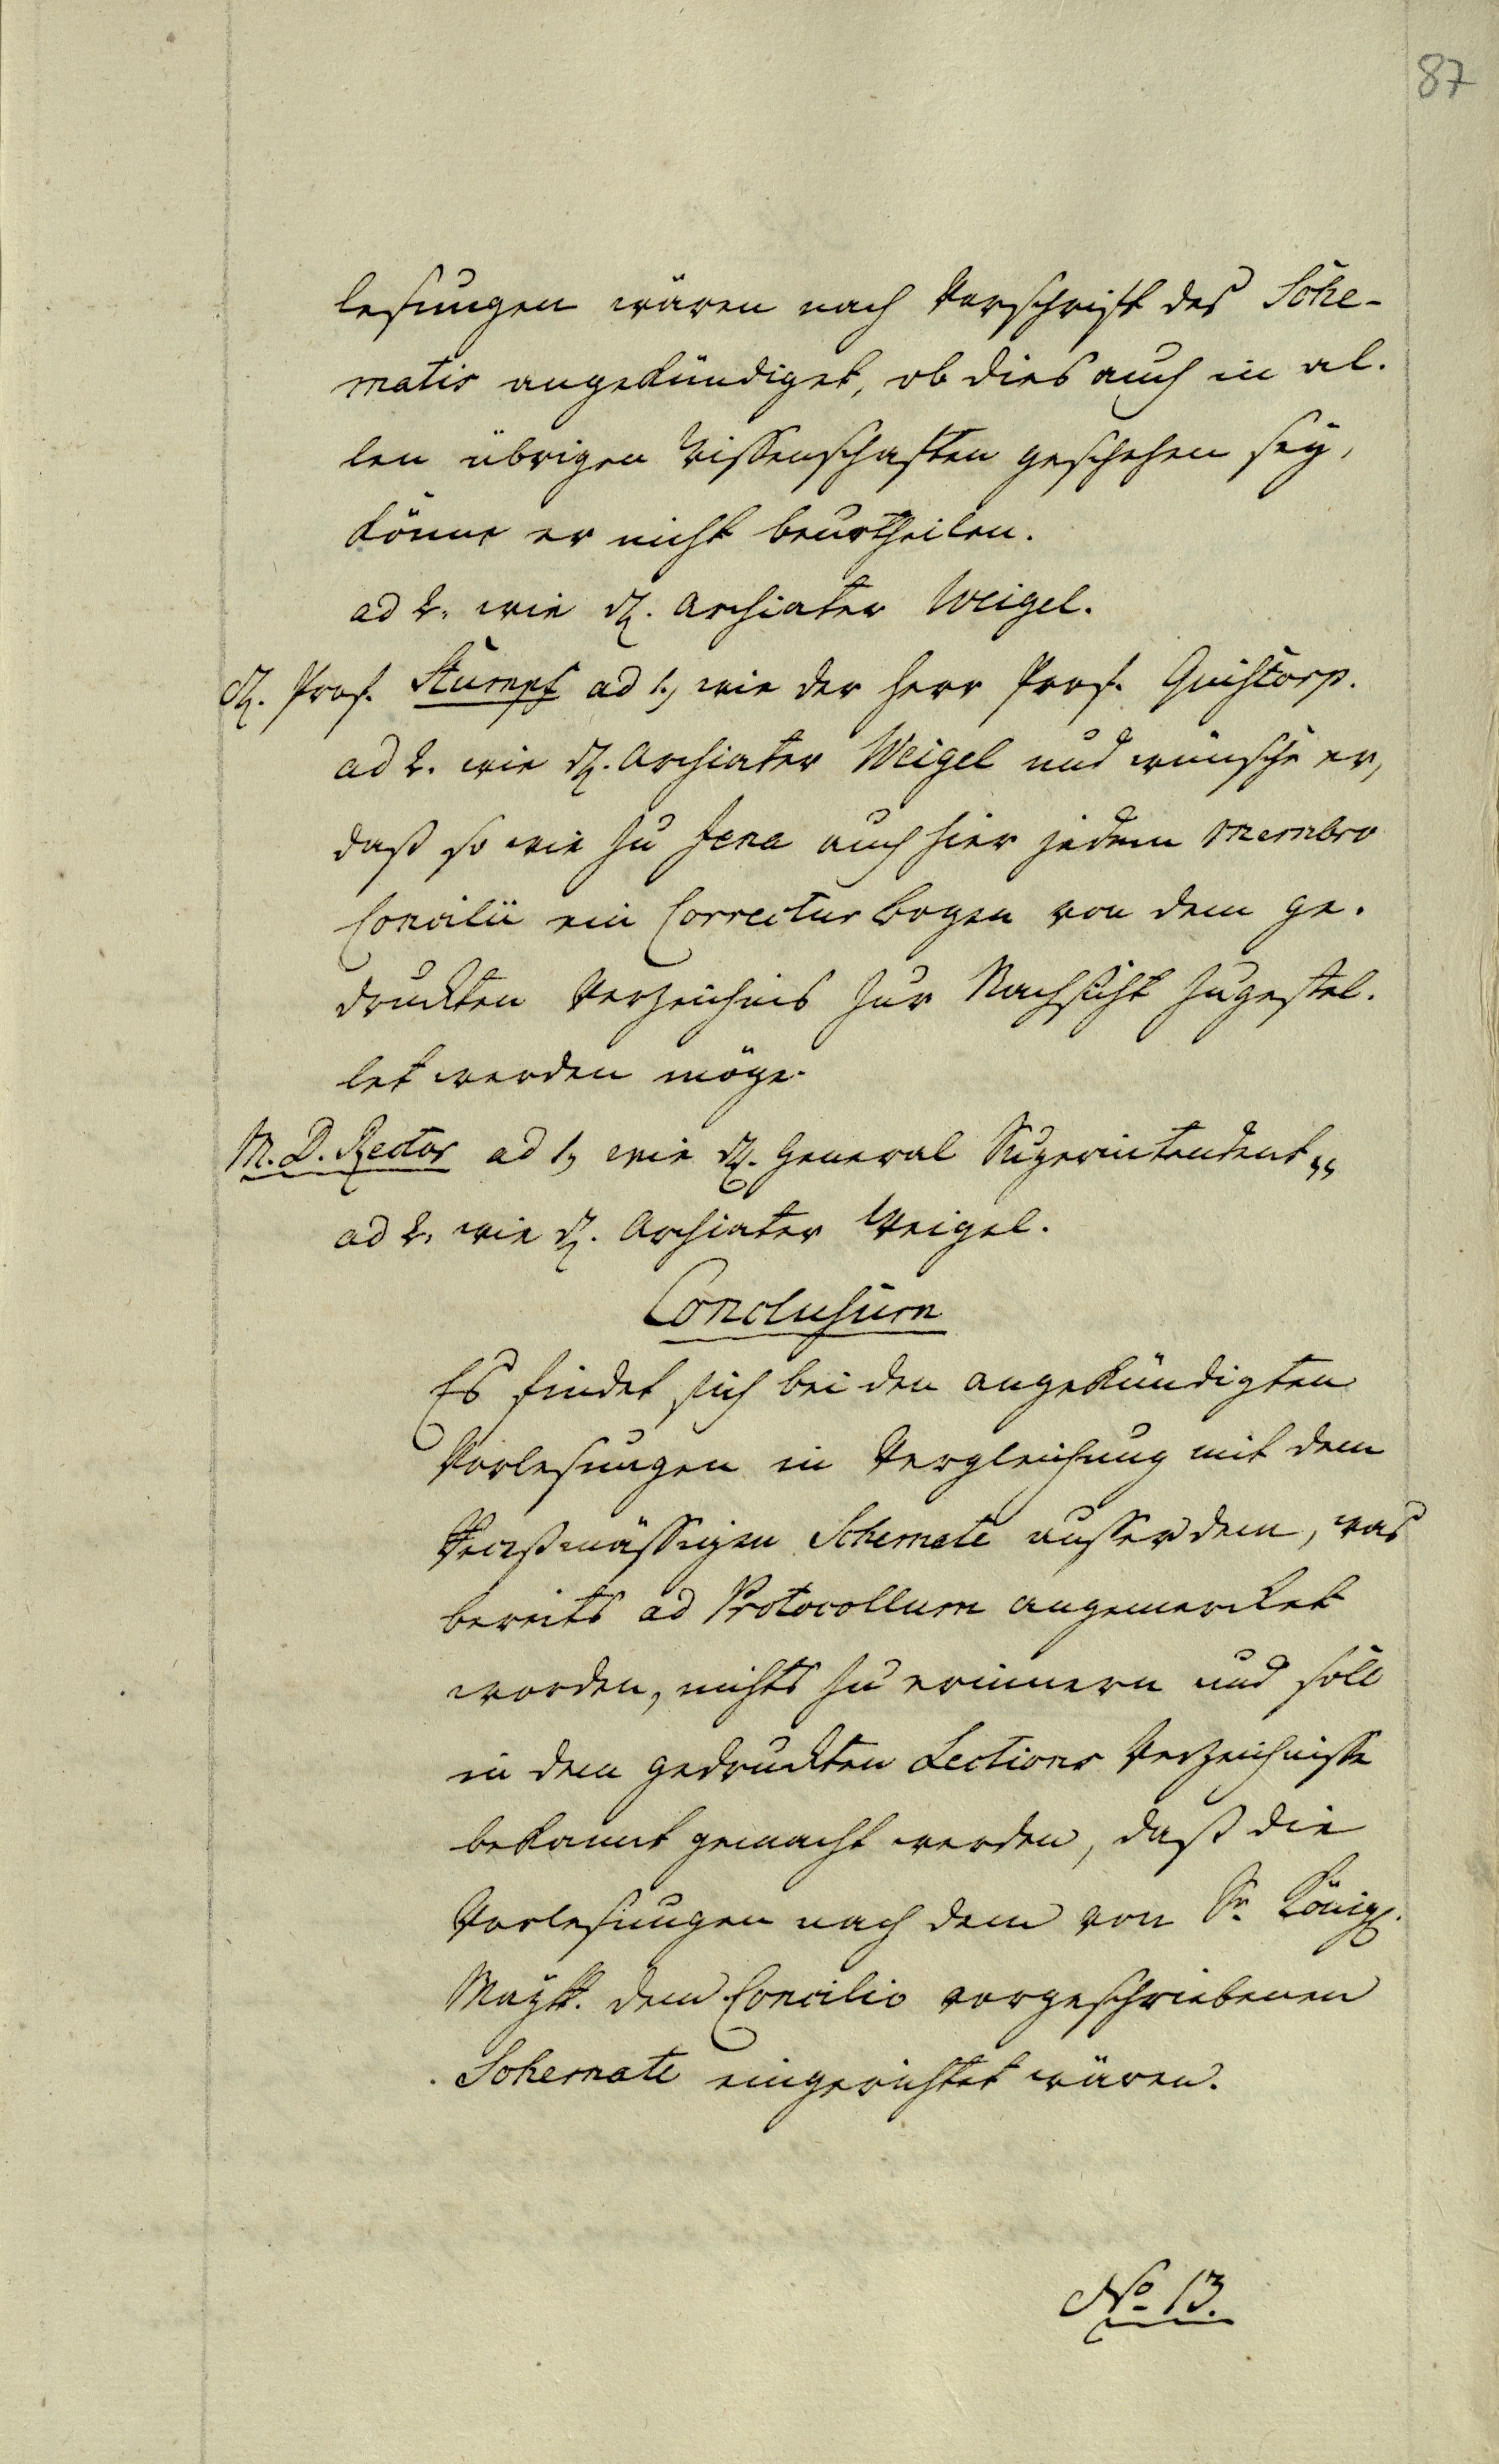lesungen wären nach Vorschrift des Sche¬
matis angekündiget, ob dies auch in al¬
len übrigen Wissenschaften geschehen seÿ,
könne er nicht beurtheilen.
ad 2. wie dh. Archiater Weigel.
dh. Prof. Stumpf ad 1., wie der Herr Prof. Quistorp.
ad 2. wie dh. Archiater Weigel und wünsche er,
daß so wie zu Jena auch hier jedem membro
Concilii ein Correctur Bogen von dem ge¬
druckten Verzeichnis zur Nachsicht zugestel¬
let werden möge.
M. D. Rector ad 1., wie dh. General Superintendent
ad 2., wie dh. Archiater Weigel.
Conclusum
Es findet sich bei den angekündigten
Vorlesungen in Vergleichung mit dem
Receßmässeigen Schemate ausser dem, was
bereits ad Protocollum angemercket
worden, nichts zu erinnern und soll
in dem gedruckten Lections Verzeichnisse
bekannt gemacht werden, daß die
Vorlesungen nach dem von Sr Königl.
Maÿtt. dem Concilio vorgeschriebenen
Schemate eingerichtet wären.
No 13.